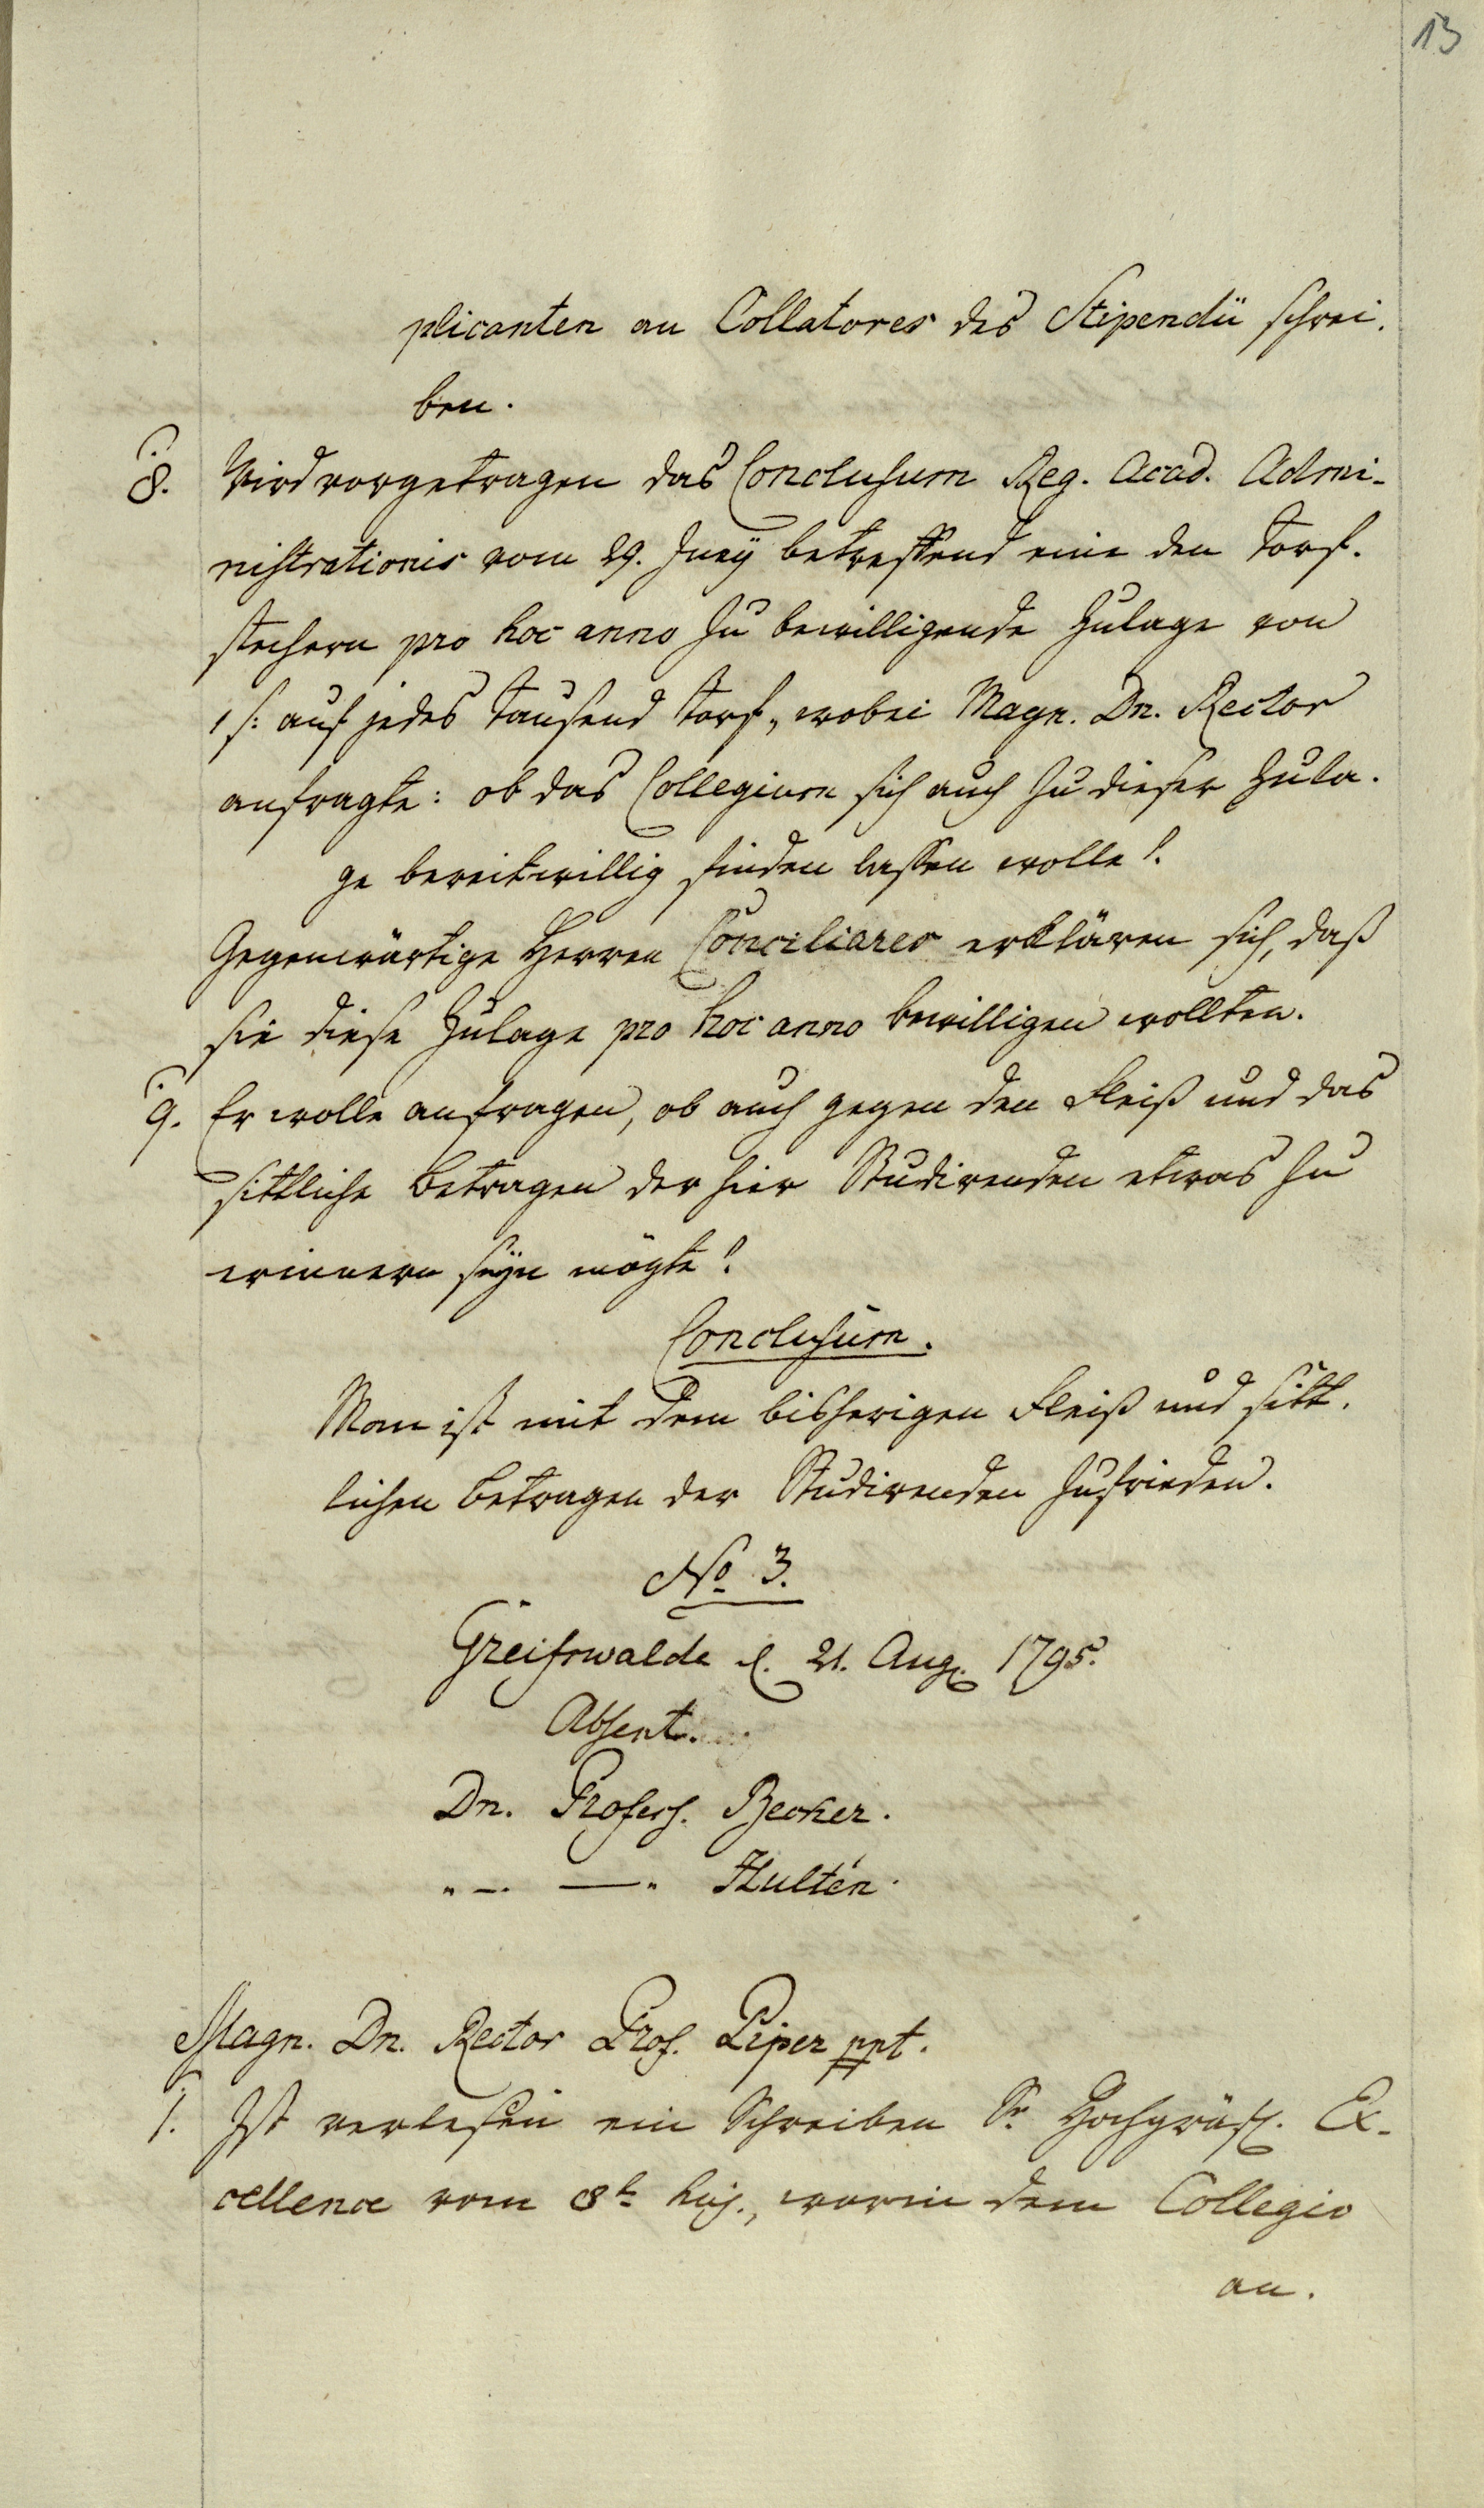plicanten an Collatores des Stipendii schrei¬
ben.
8. Wird vorgetragen das Conclusum Reg. Acad. Admi¬
nistrationis vom 29. Junÿ betreffend eine den Torf¬
stechern pro hoc anno zu bewilligende Zulage von
1 s: auf jedes Tausend Torf, wobei Magn. Dn. Rector
anfragte: ob das Collegium sich auch zu dieser Zula¬
ge bereitwillig finden lassen wolle?
Gegenwärtige Herren Conciliares erklären sich, daß
sie diese Zulage pro hoc anno bewilligen wollten.
9. Er wolle anfragen, ob auch gegen den Fleiß und das
sittliche Betragen der hier Studirenden etwas zu
erinnern seÿn möchte?
Conclusum.
Man ist mit dem bisherigen Fleiß und sitt¬
lichen Betragen der Studirenden zufrieden.
No 3.
Greifswalde d. 21. Aug. 1795.
Absent.
Dn. Profess. Becher.
" — . — " Hultén.
Magn. Dn. Rector Prof. Piper ppt.
1. Ist verlesen ein Schreiben Sr. Hochgräfl. Ex¬
cellence vom 8. huj., worin dem Collegio
an.